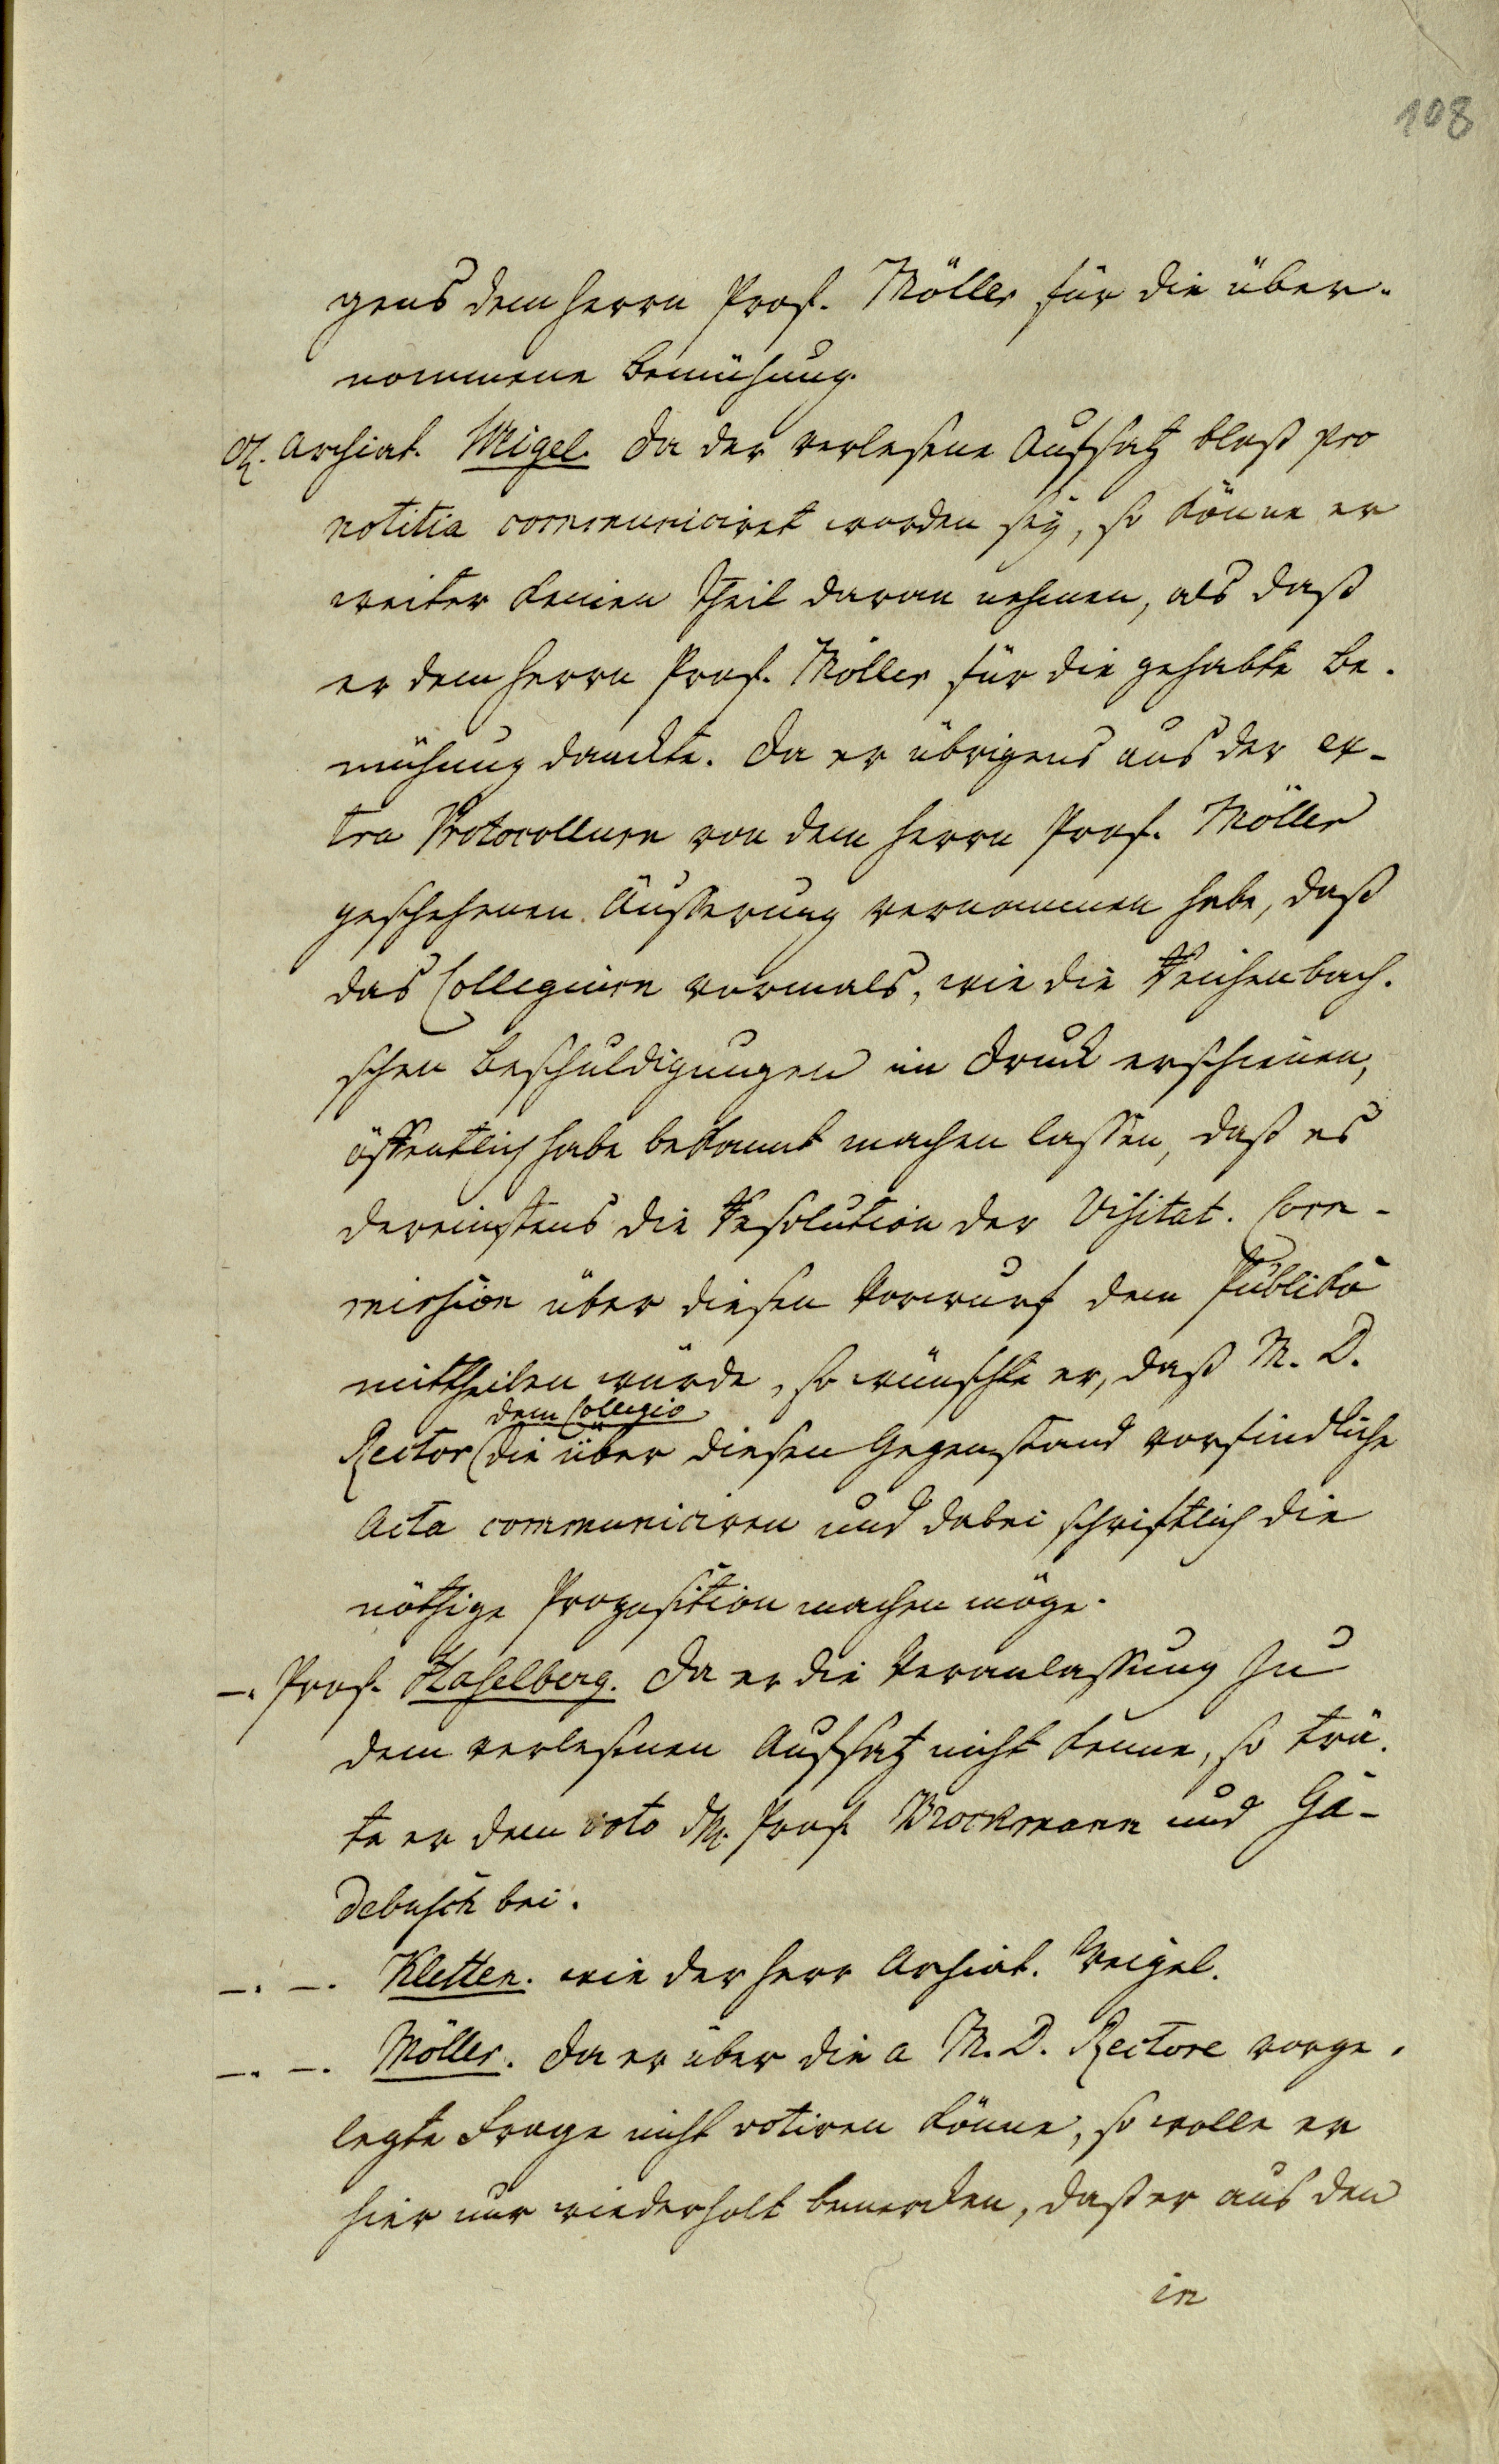gens dem Herrn Prof. Möller für die über¬
nommene Bemühung.
dh. Archiat. Weigel. Da der verlesene Aufsatz bloß pro
notitia communiciret worden seÿ, so könne er
weiter keinen Theil davon nehmen, als daß
er dem Herrn Prof. Möller für die gehabte Be¬
mühung danckte. Da er übrigens aus der ex¬
tra Protocollum von dem Herrn Prof. Möller
geschehenen Äusserung vernommen habe, daß
das Collegium vormals, wie die Reichenbach¬
schen Anschuldigungen im Druck erschienen,
öffentlich habe bekannt machen lassen, daß es
dereinstens die Resolution der Visitat. Com¬
mission über diesen Vorwurf dem Publiko
mittheilen würde, so wünschte er, daß M. D.
dem Collegio
Rector die über diesen Gegenstand vorfindliche
Acta communiciren und dabei schriftlich die
nöthige Proposition machen möge.
Prof. Haselberg. Da er die Veranlassung zu
dem verlesenen Aufsatz nicht kenne, so trä¬
te er dem voto dh. Prof. Brockmann und Ga¬
debusch bei.
Kletten. wie der Herr Archiat. Weigel.
Möller. Da er über die a M. D. Rectore vorge¬
legte Frage nicht votiren könne, so wolle er
hier nur wiederholt bemercken, daß er aus den
in